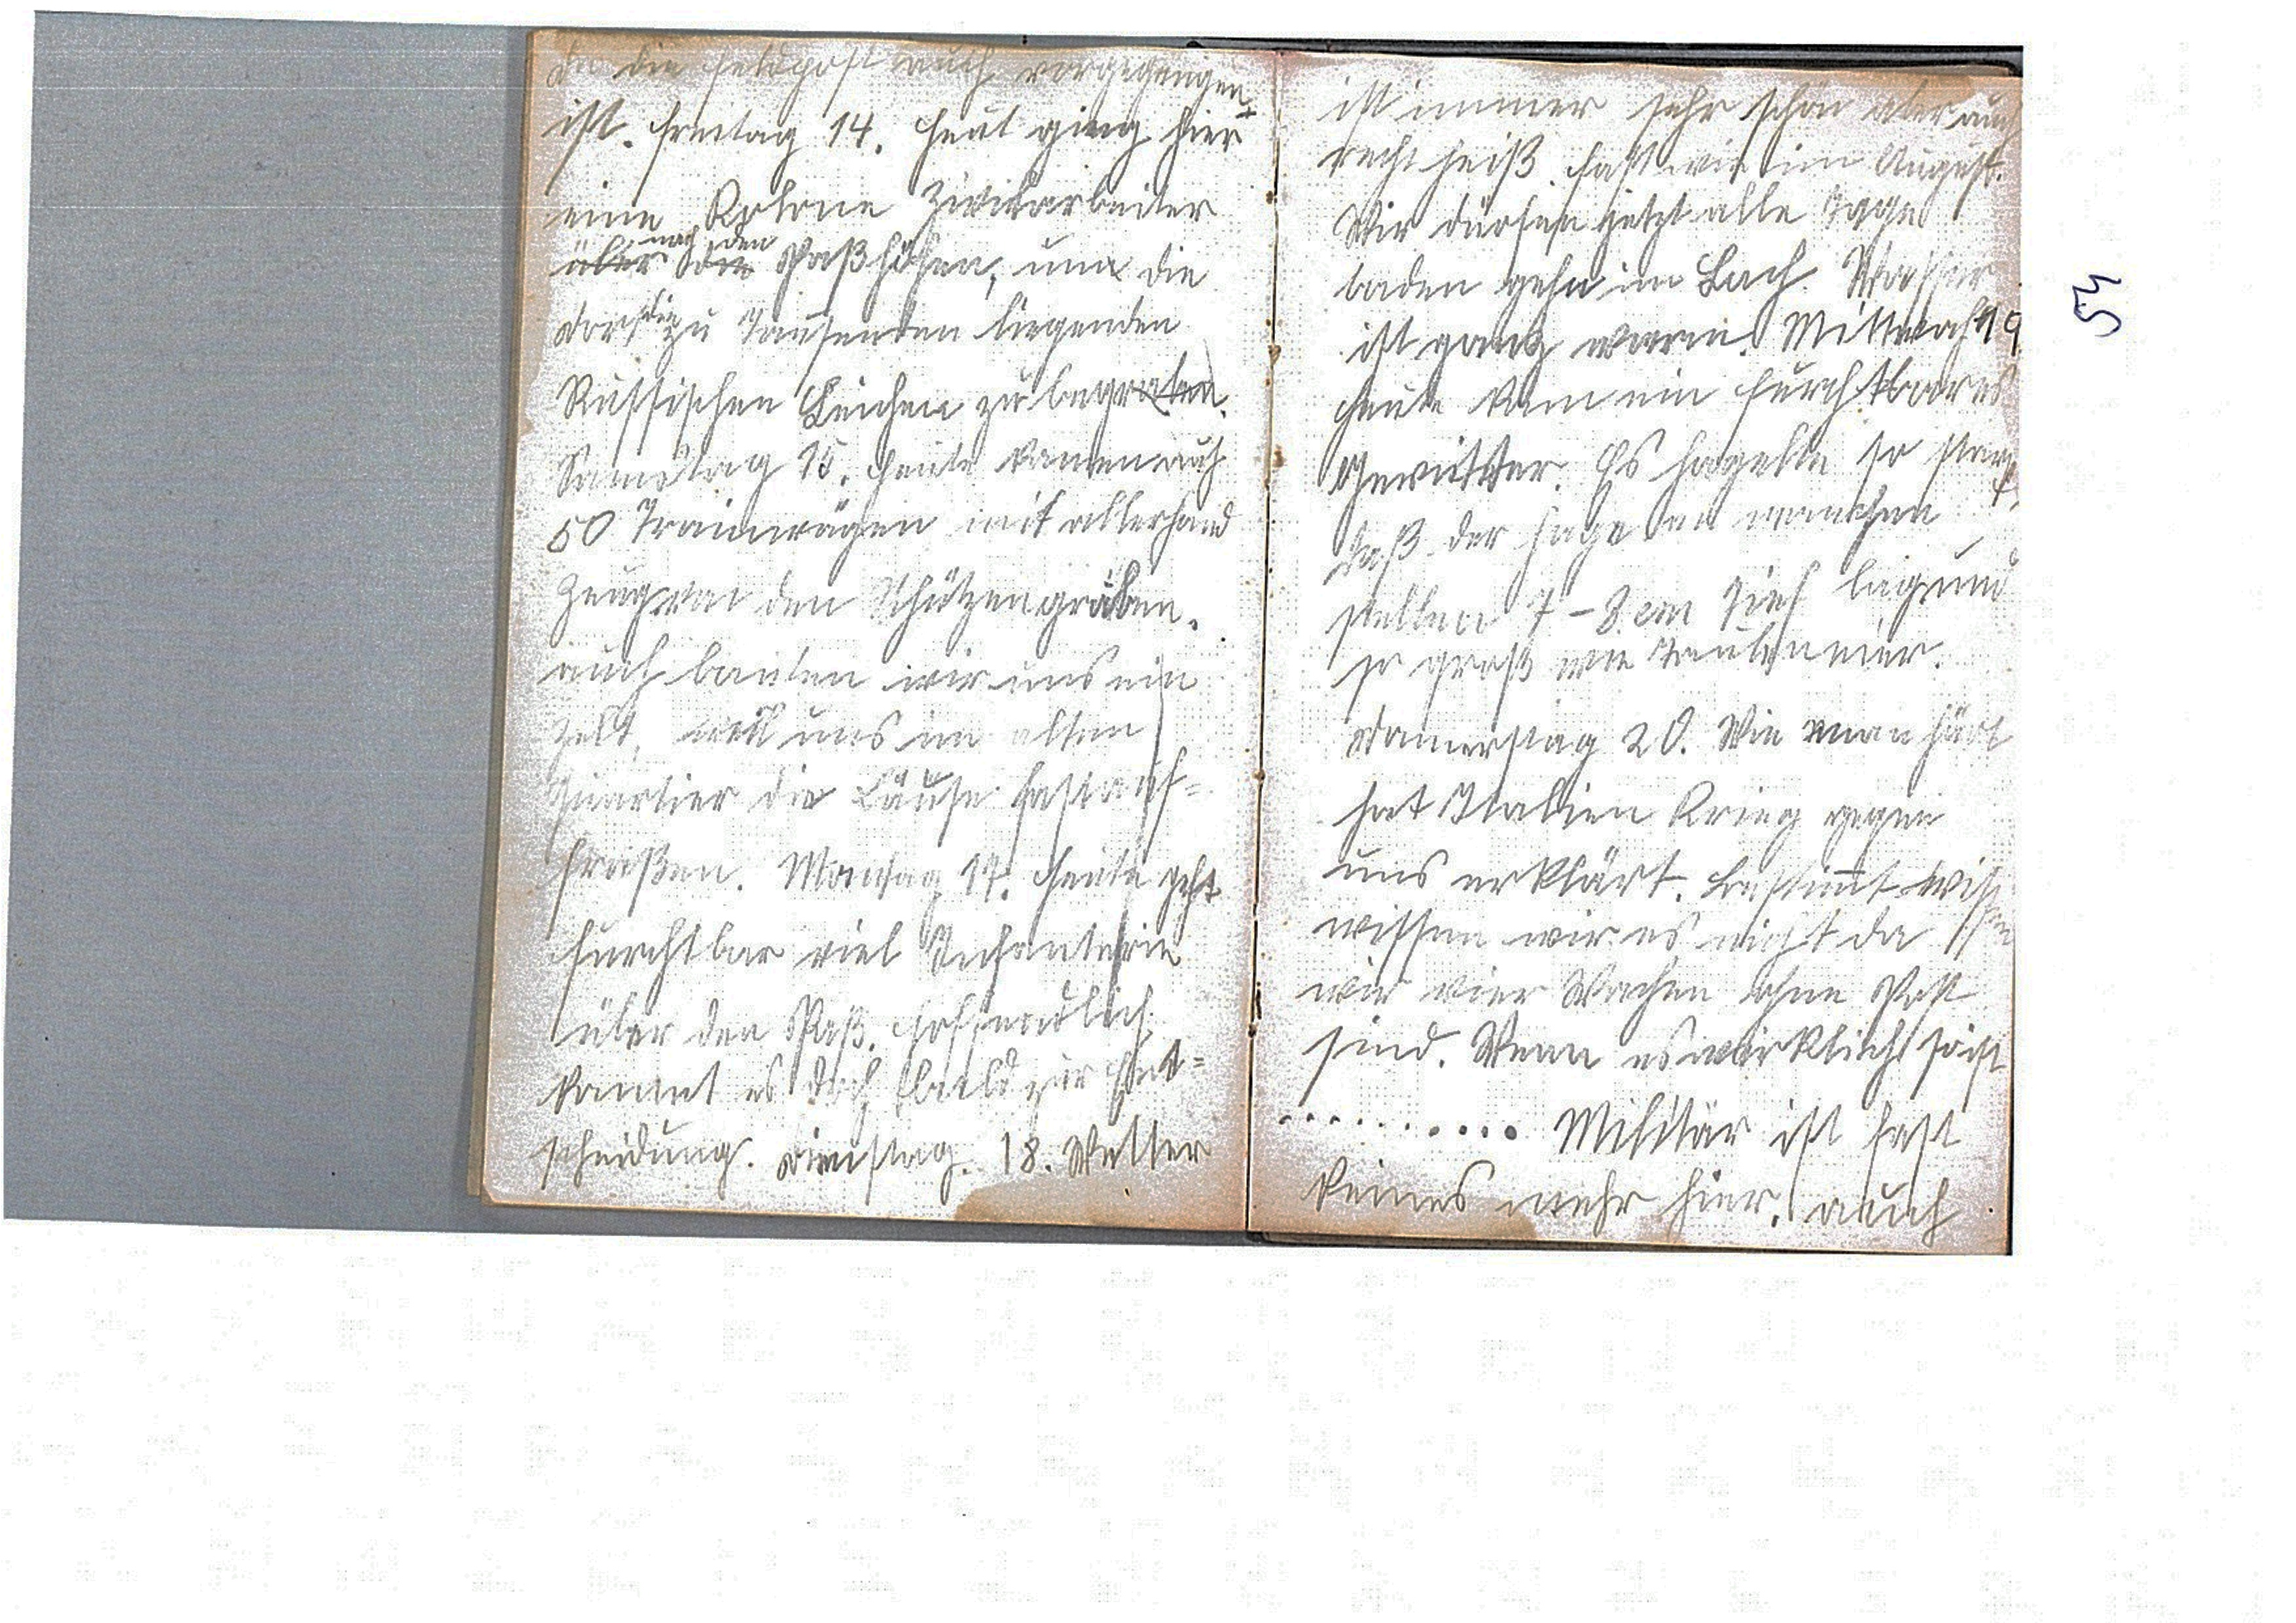da die Feldpost auch vorgegangen
ist. Freitag 14. Heut ging hier
eine Rohxxx Zuxxarbeiter
nach den Großhöhen,um die
dort die zu Tausenden liegenden
Russischen Leichen zu begraben.
Samstag 15. heute kamen auch
50 Trainwägen mit allerhand
Zeug xx.xx den Schützengräben.
auch bru??ten wir uns ein
zelt,weil uns im alten
Quartier die Läuse fast auf=
fraßen. Montag 17. heute geht
furchtbar viel Infanterie
über den Paß. Hoffentlich
kommt es doch bald zur Ent=
scheidung. Dienstag.18. Wetter
ist immer sehr schön aber auch
recht heiß. Fast wie im August.
Wir dürfen jetzt alle Tage
baden gehn im Bach. Wasser
ist ganz warm. Mittwoch 19.
heute kam ein furchtbares
Gewitter. Es hagelte so stark
daß der Hagel an manchen
Stellen 7-8 cm tief lag und
so groß wie Trul??????.
Donnerstag 20. Wie man hört
hat Italien Krieg gegen
uns erklärt. Bestimmt wissen
wissen wir es nicht da
wir eine Woche ohne Post
sind. Wenn es wirklich so ist
.......... Militär ist fast
keines mehr hier, auch